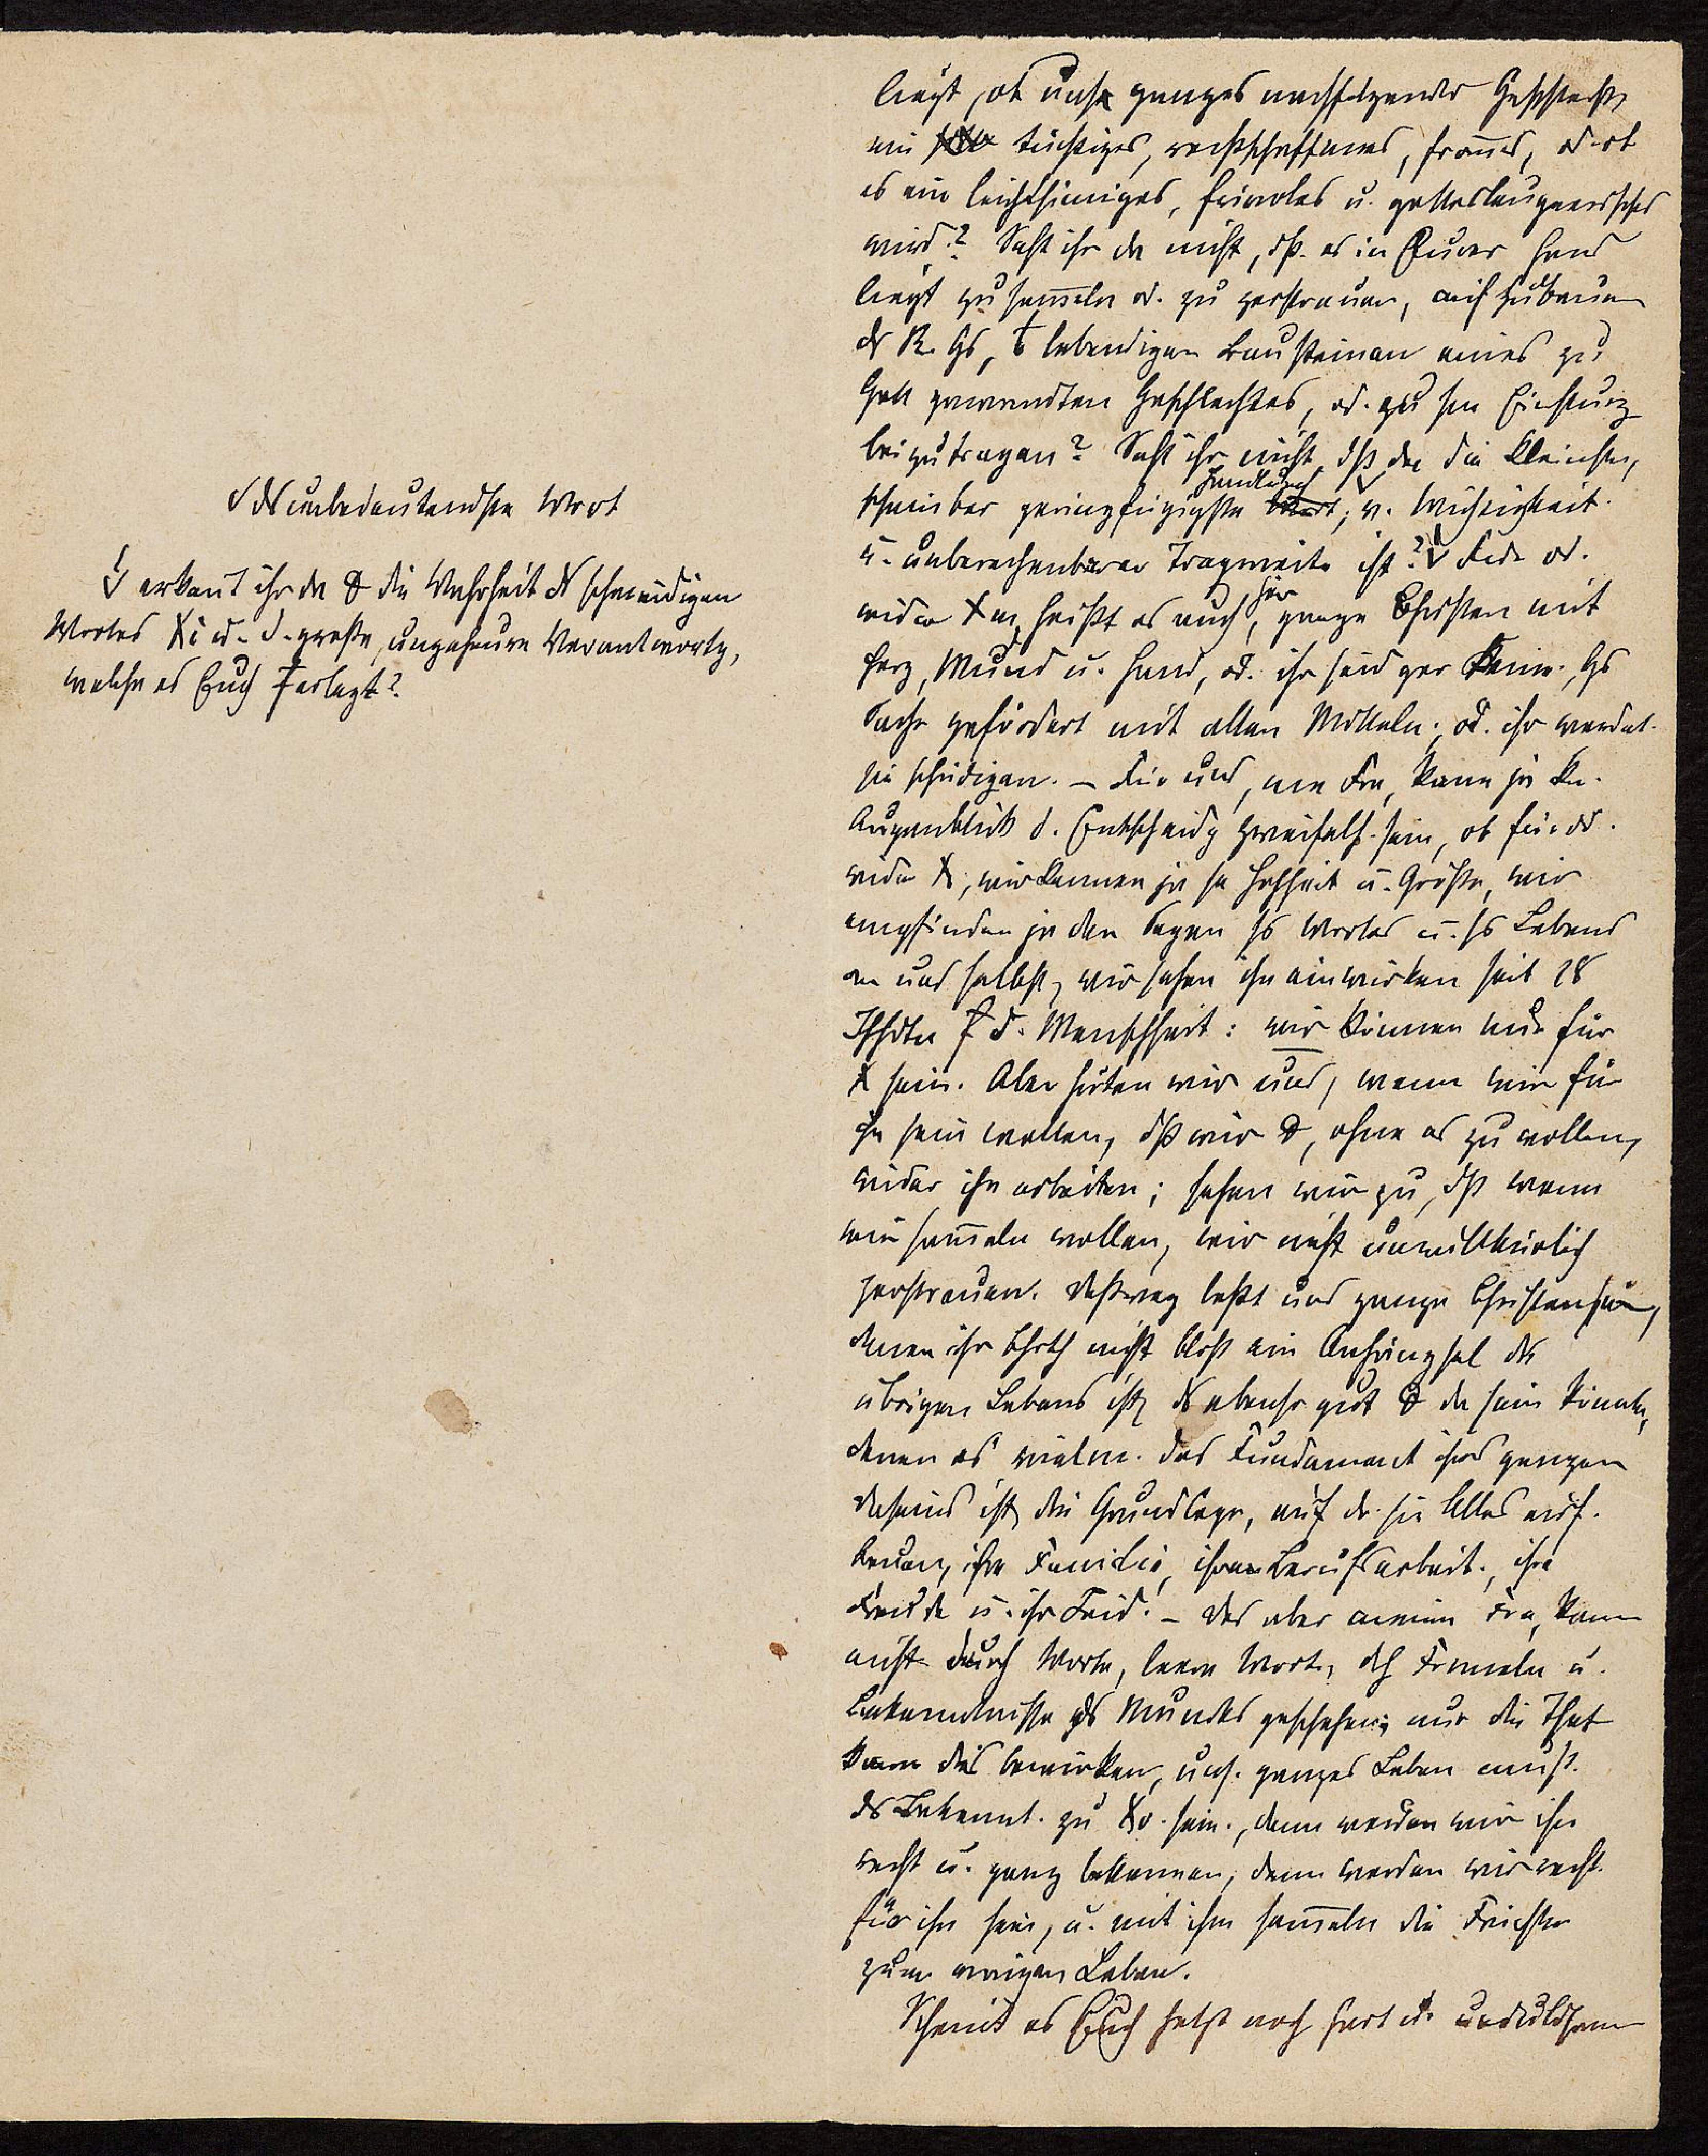V ds unbedeutendste Wort
V erkent ihr da o die Wahrheit ds schneidigen
Wortes Χι u. d. große, ungeheure Verantwortg,
welche es Euch ferlegt?
liegt, ob unsr. ganzes nachfolgende Geschlecht,
ein frtt tüchtiges, rechtschaffendes, fromes, od. ob
es ein leichtsinniges, frivoles u. gotterleugnerisches
wird? Seht ihr da nicht, dß es in Eurer Hand
liegt zu sameln od. zu zerstreuen, auzubauen
ds R Gs. s lebendigen Bausteinen eines zu
Gott gewandten Geschlechtes, od. zu sm Einsturz
beizutragen? Seht ihr nicht, dß da die kleinste,
Handlung
scheinbar geringfügigste Wort, v. Wichtigkeit
u. unberechenbarer Tragweite ist? V Für od.
wider Χm heißt es auch, ganze Christen mit
Herz, Mund u. Hand, od. ihr seid gar keine. Gs
Sache gefördert mit allen Mitteln; od ihr werdet
sie schädigen. _ Für uns, mn Frn, kann ja kn.
Augenblick d Entscheidg zweifelh. sein, ob für od.
wider Χ, wir kennen ja sn Hohheit u. Größe, wir
empfingen ja den Segen ss Wortes u ss Lebens
an uns selbst, wir sehen ihn einwirken seit 18
Jhhdtn f d. Menschheit: wir können nur für
Χ sein. Aber hüten wir uns, wenn wir für
ihn sein wollen, dß wir o, ohne es zu wollen,
wider ihn arbeiten; sehen wir zu, dß wenn
wir sameln wollen, wir nicht unwillkürlich
zerstreuen. Deßweg. laßt uns ganze Christen sein,
denen ihr Chrth nicht bloß ein Anhängsel ds
übrigen Lebens ist ds ebenso gut o da sein könnte,
denen es vielm. das Fundament ihres ganzen
Daseins ist, die Grundlage, auf dr. sie Alles auf¬
bauen, ihre Familie, ihre Berufsarbeit, ihre
Freud u. ihr Leid.: Das aber meine Frn, kann
nicht durch Worte, leere Worte, dch Formeln u.
Bekenntnisse ds Mundes geschehen: nur die That
kann dies bewirken, uns. ganzes Leben muß
ds Bekennt. zu Χo sein., dann werden wir ihn
recht u. ganz bekennen, dann werden wir recht
für ihn sein, u. mit ihm sameln die Früchte
zum ewigen Leben
Scheint es Euch jetzt noch hart u. unduldsam